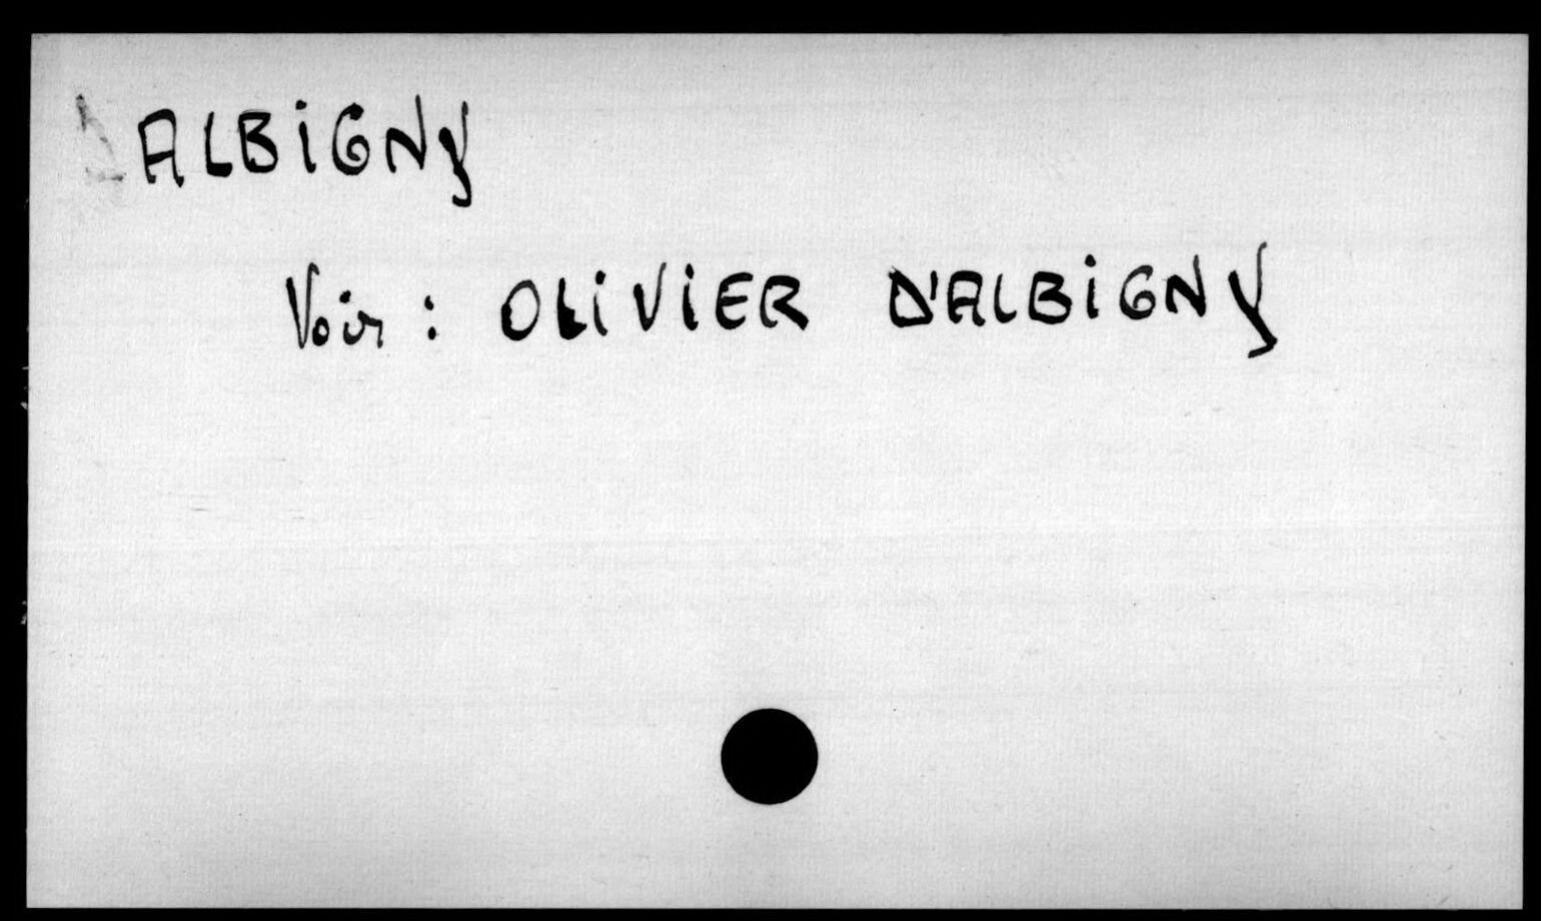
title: ALBIGNY
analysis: Voir : OLIVIER D'ALBIGNY
